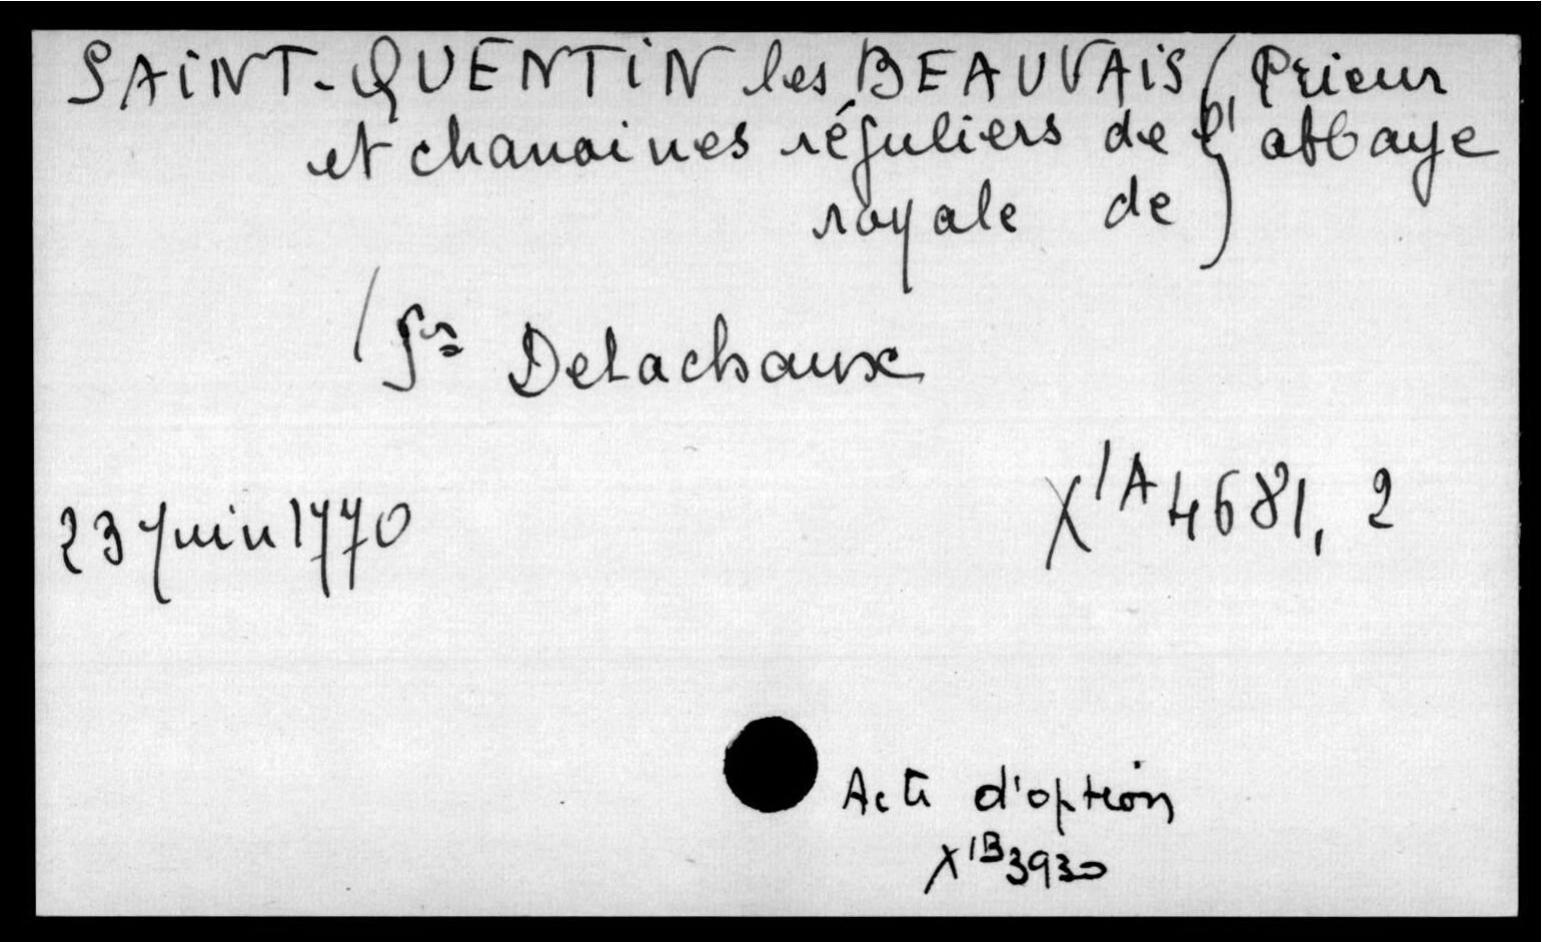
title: SAINT-QUENTIN les BEAUVAIS (Prieur et chanoines réguliers de l'abbaye royale de)
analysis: Contre Seigneur Delachaux
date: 23 juin 1770
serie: X1A
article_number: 4681
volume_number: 2
